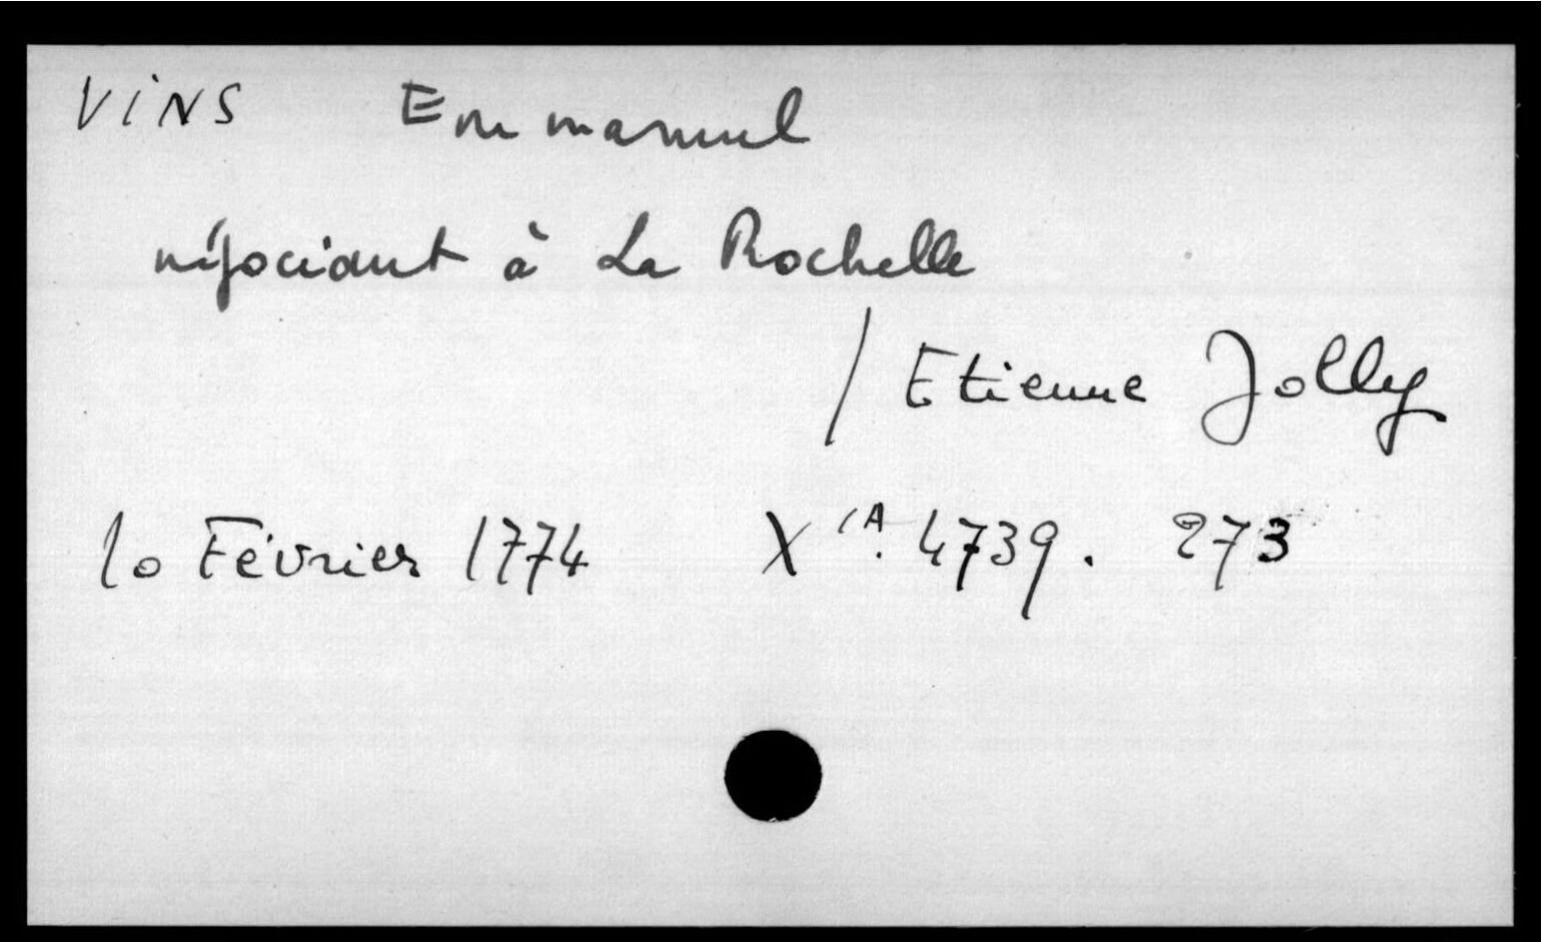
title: VINS Emmanuel négociant à La Rochelle
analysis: Contre Étienne Jolly
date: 10 février 1774
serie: X1A
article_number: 4739
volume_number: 273
